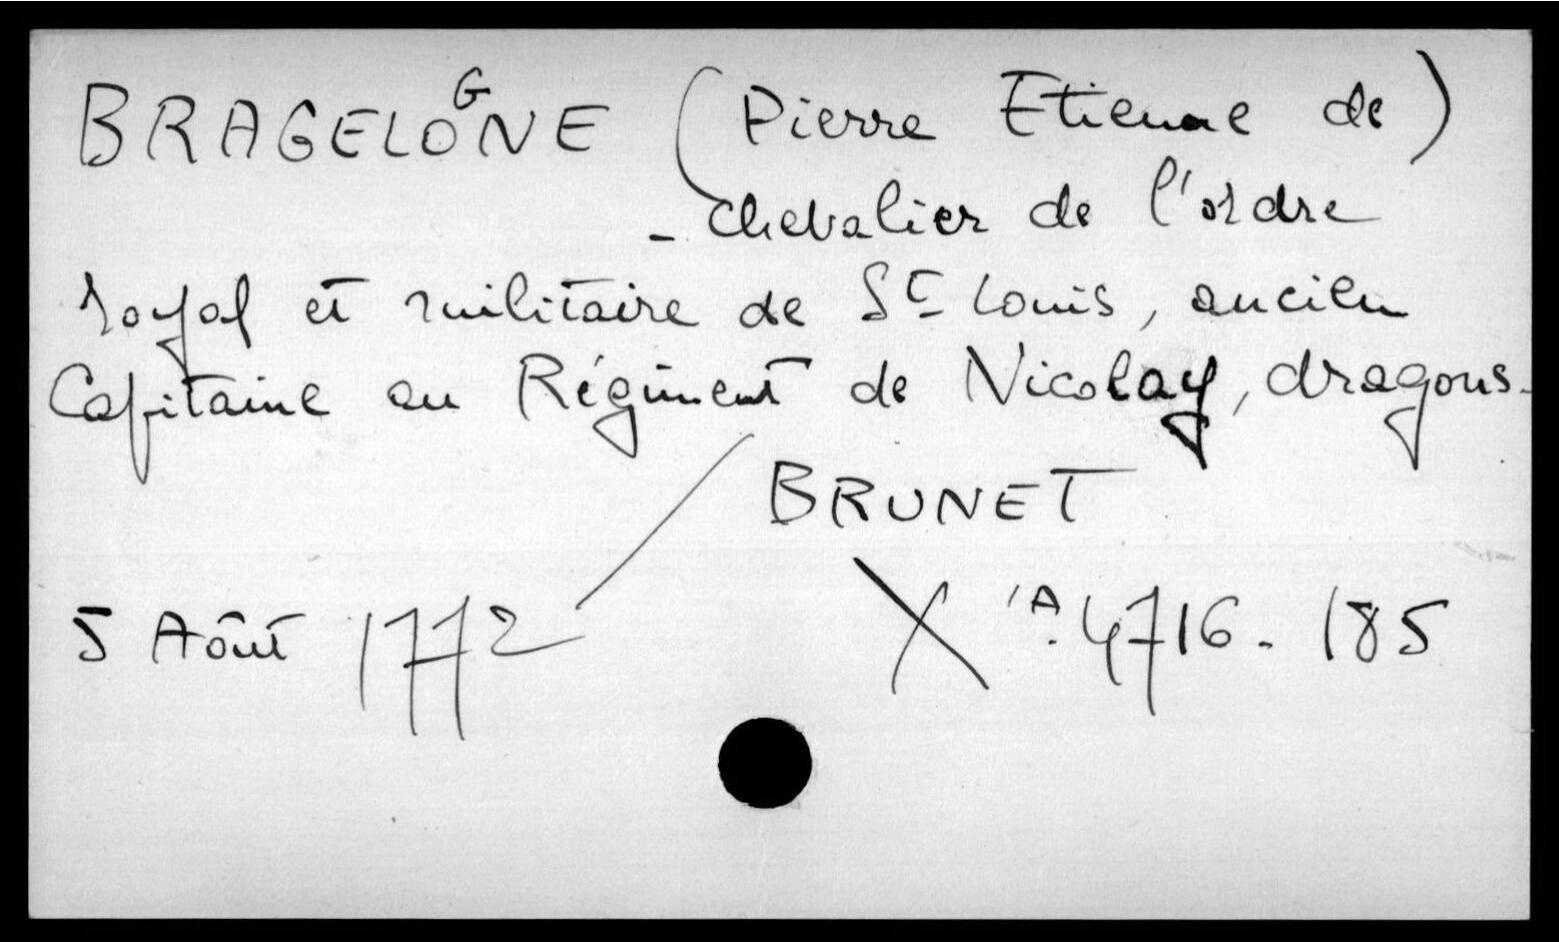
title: BRAGELOGNE (Pierre Étienne de) chevalier de l'ordre royal et militaire de Saint-Louis, ancien capitaine au Régiment de Nicolay, dragons
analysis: Contre BRUNET
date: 5 août 1772
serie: X1A
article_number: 4716
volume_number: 185
